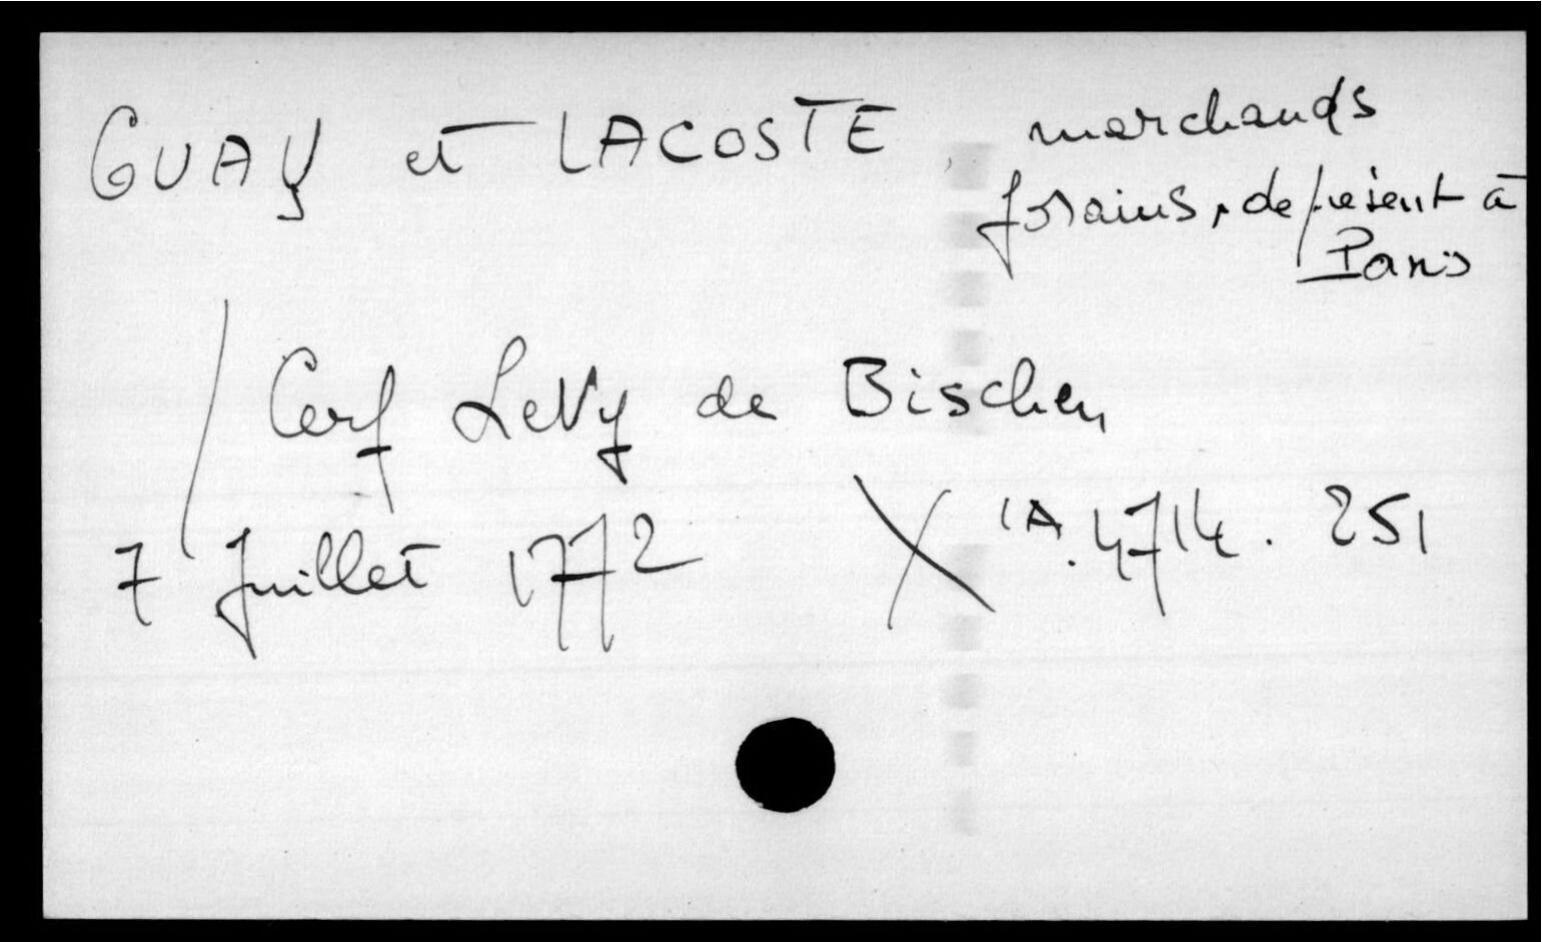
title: GUAY et LACOSTE, marchands forains de présent à Paris
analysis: Contre Cerf Levy de Bischen
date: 7 juillet 1772
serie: X1A
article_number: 4714
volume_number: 251
